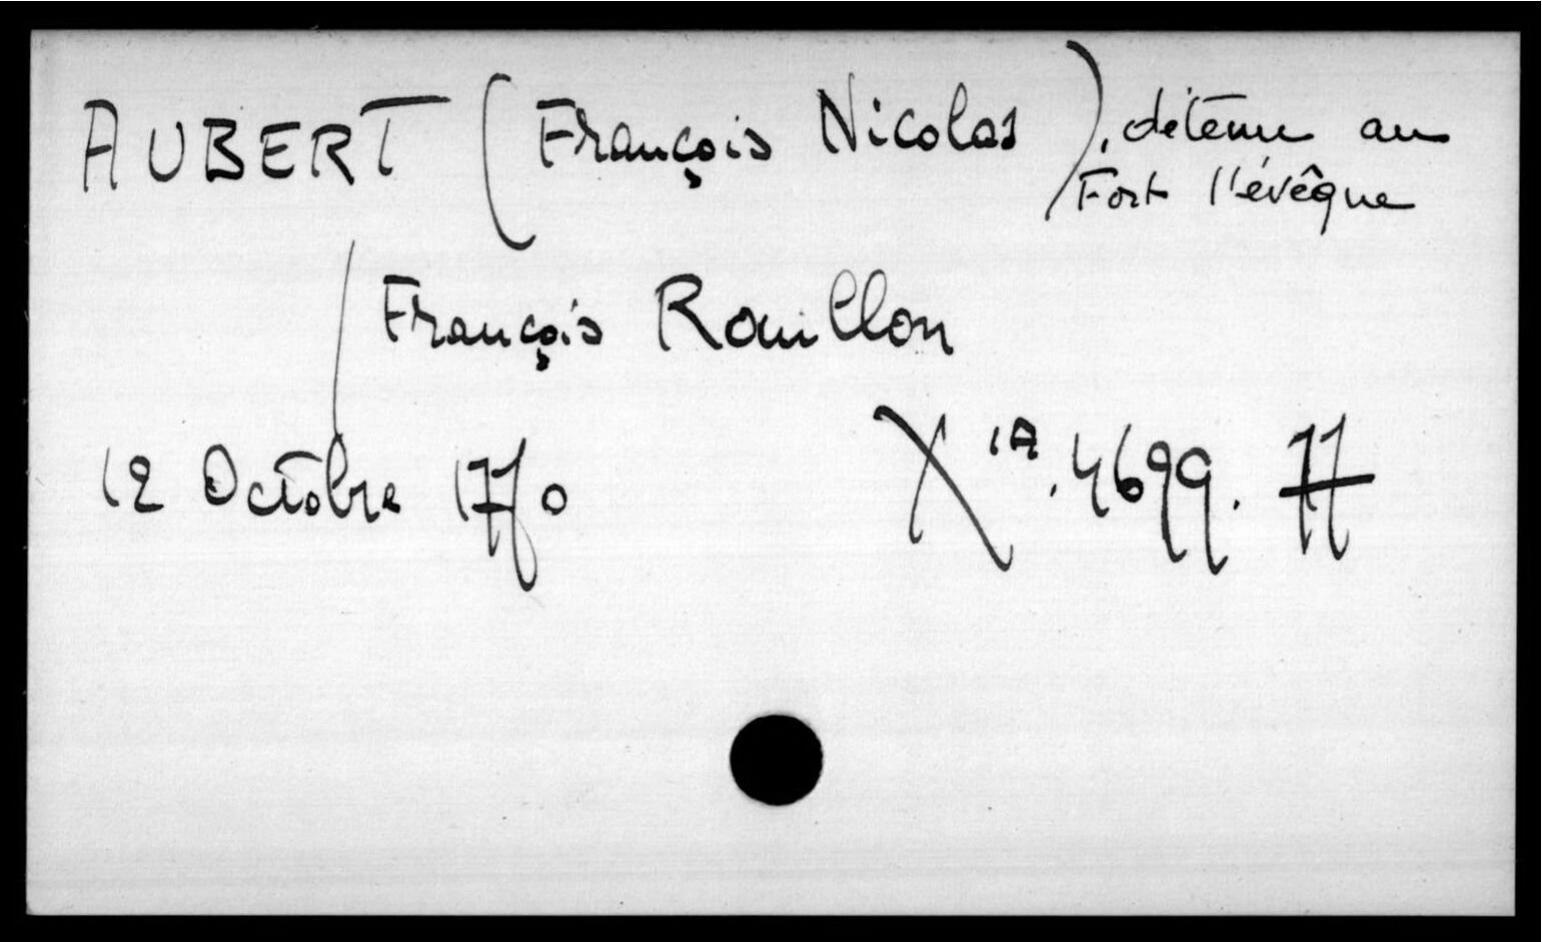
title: AUBERT (François Nicolas), détenu au Fort l'évêque
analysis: Contre François Rouillon
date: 12 octobre 1770
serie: X1A
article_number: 4699
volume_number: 77
